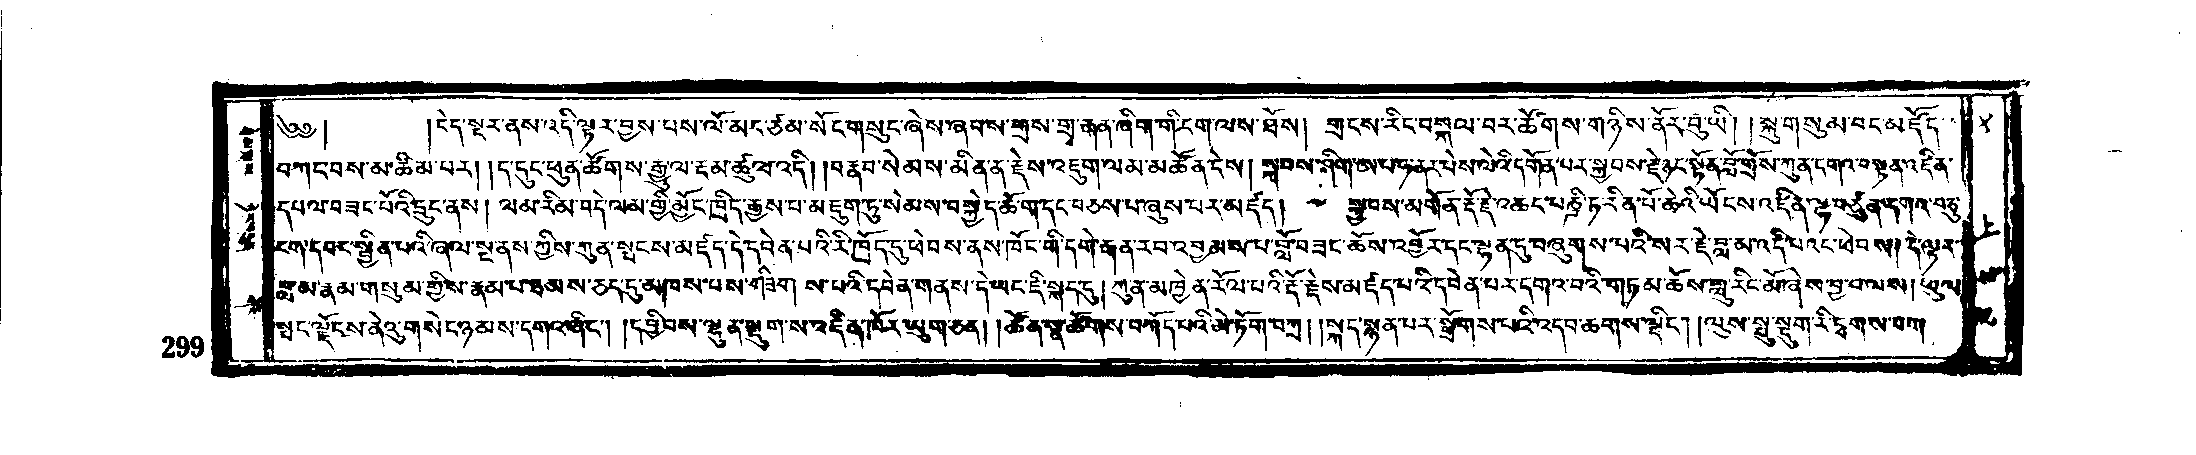༄༅། །ངེད་སྔར་ནས་འདི་ལྟར་བྱས་པས་ལོ་མང་ཙམ་སོང་གསུང་ཞེས་ཞབས་གྲས་གྲྭ་རྒན་ཞིག་གི་ངག་ལས་ཐོས། གྲངས་རིང་བསྐལ་བར་ཚོགས་གཉིས་ནོར་བུ་ཡི། །སྐུ་གསུམ་བང་མཛོད་
བཀང་བས་མ་ཚིམ་པར། །ད་དུང་ཕུན་ཚོགས་རྒྱུ་ལ་རྔམ་ཚུལ་འདི། །བརྣབ་སེམས་མིན་ན་རྗེས་འཇུག་ལམ་མཚོན་དེས། སྐབས་ཤིག་ཨ་པ་ཧ་ནར་པེས་ལེའི་དགོན་པར་སྐྱབས་རྗེ་ཉང་སྟོན་བློ་གྲོས་ཀུན་དགའ་བསྟན་འཛིན་
དཔལ་བཟང་པོའི་དྲུང་ནས། ལམ་རིམ་བདེ་ལམ་གྱི་མྱོང་ཁྲིད་རྒྱས་པ་མཇུག་ཏུ་སེམས་བསྐྱེད་ཆོ་ག་དང་བཅས་པ་ཞུས་པར་མཛད། ༧་སྐྱབས་མགོན་རྡོ་རྗེ་འཆང་པཎྜི་ཏ་རིན་པོ་ཆེའི་ཡོངས་འཛིན་ལྷ་བཙུན་དགའ་བཅུ་
ངག་དབང་སྦྱིན་པའི་ཞལ་སྔ་ནས་ཀྱིས་ཀུན་སྤངས་མཛད་དེ་དབེན་པའི་རི་ཁྲོད་དུ་ཕེབས་ནས་ཁོང་གི་དགེ་རྒན་རབ་འབྱམས་པ་བློ་བཟང་ཆོས་འབྱོར་དང་ལྷན་དུ་བཞུགས་པའི་སར་རྗེ་བླ་མའི་པའང་ཕེབས། དེ་ལྟར་
བླ་མ་རྣམ་གསུམ་གྱིས་རྣམ་པ་ཐམས་ཅད་དུ་མཁས་པས་གཟིགས་པའི་དབེན་གནས་དེ་ཡང་ཇི་སྐད་དུ། ཀུན་མཁྱེན་རོལ་པའི་རྡོ་རྗེས་མཛད་པའི་དབེན་པར་དགའ་བའི་གཏམ་ཆོས་གླུ་རིང་མོ་ཞེས་བྱ་བ་ལས། ཡུལ་
སྤང་ལྗོངས་ནེའུ་གསེང་ཉམས་དགའ་ཞིང་། །དབྱིབས་ལྷུན་སྡུག་ས་འཛིན་ཁོར་ཡུག་ཅན། །ཚོན་སྣ་ཚོགས་བཀོད་པའི་མེ་ཏོག་བཀྲ། །སྐད་སྙན་པར་སྒྲོགས་པའི་འདབ་ཆགས་ལྡིང་། །ལུས་སྤུ་སྡུག་རི་དྭགས་བབ།?